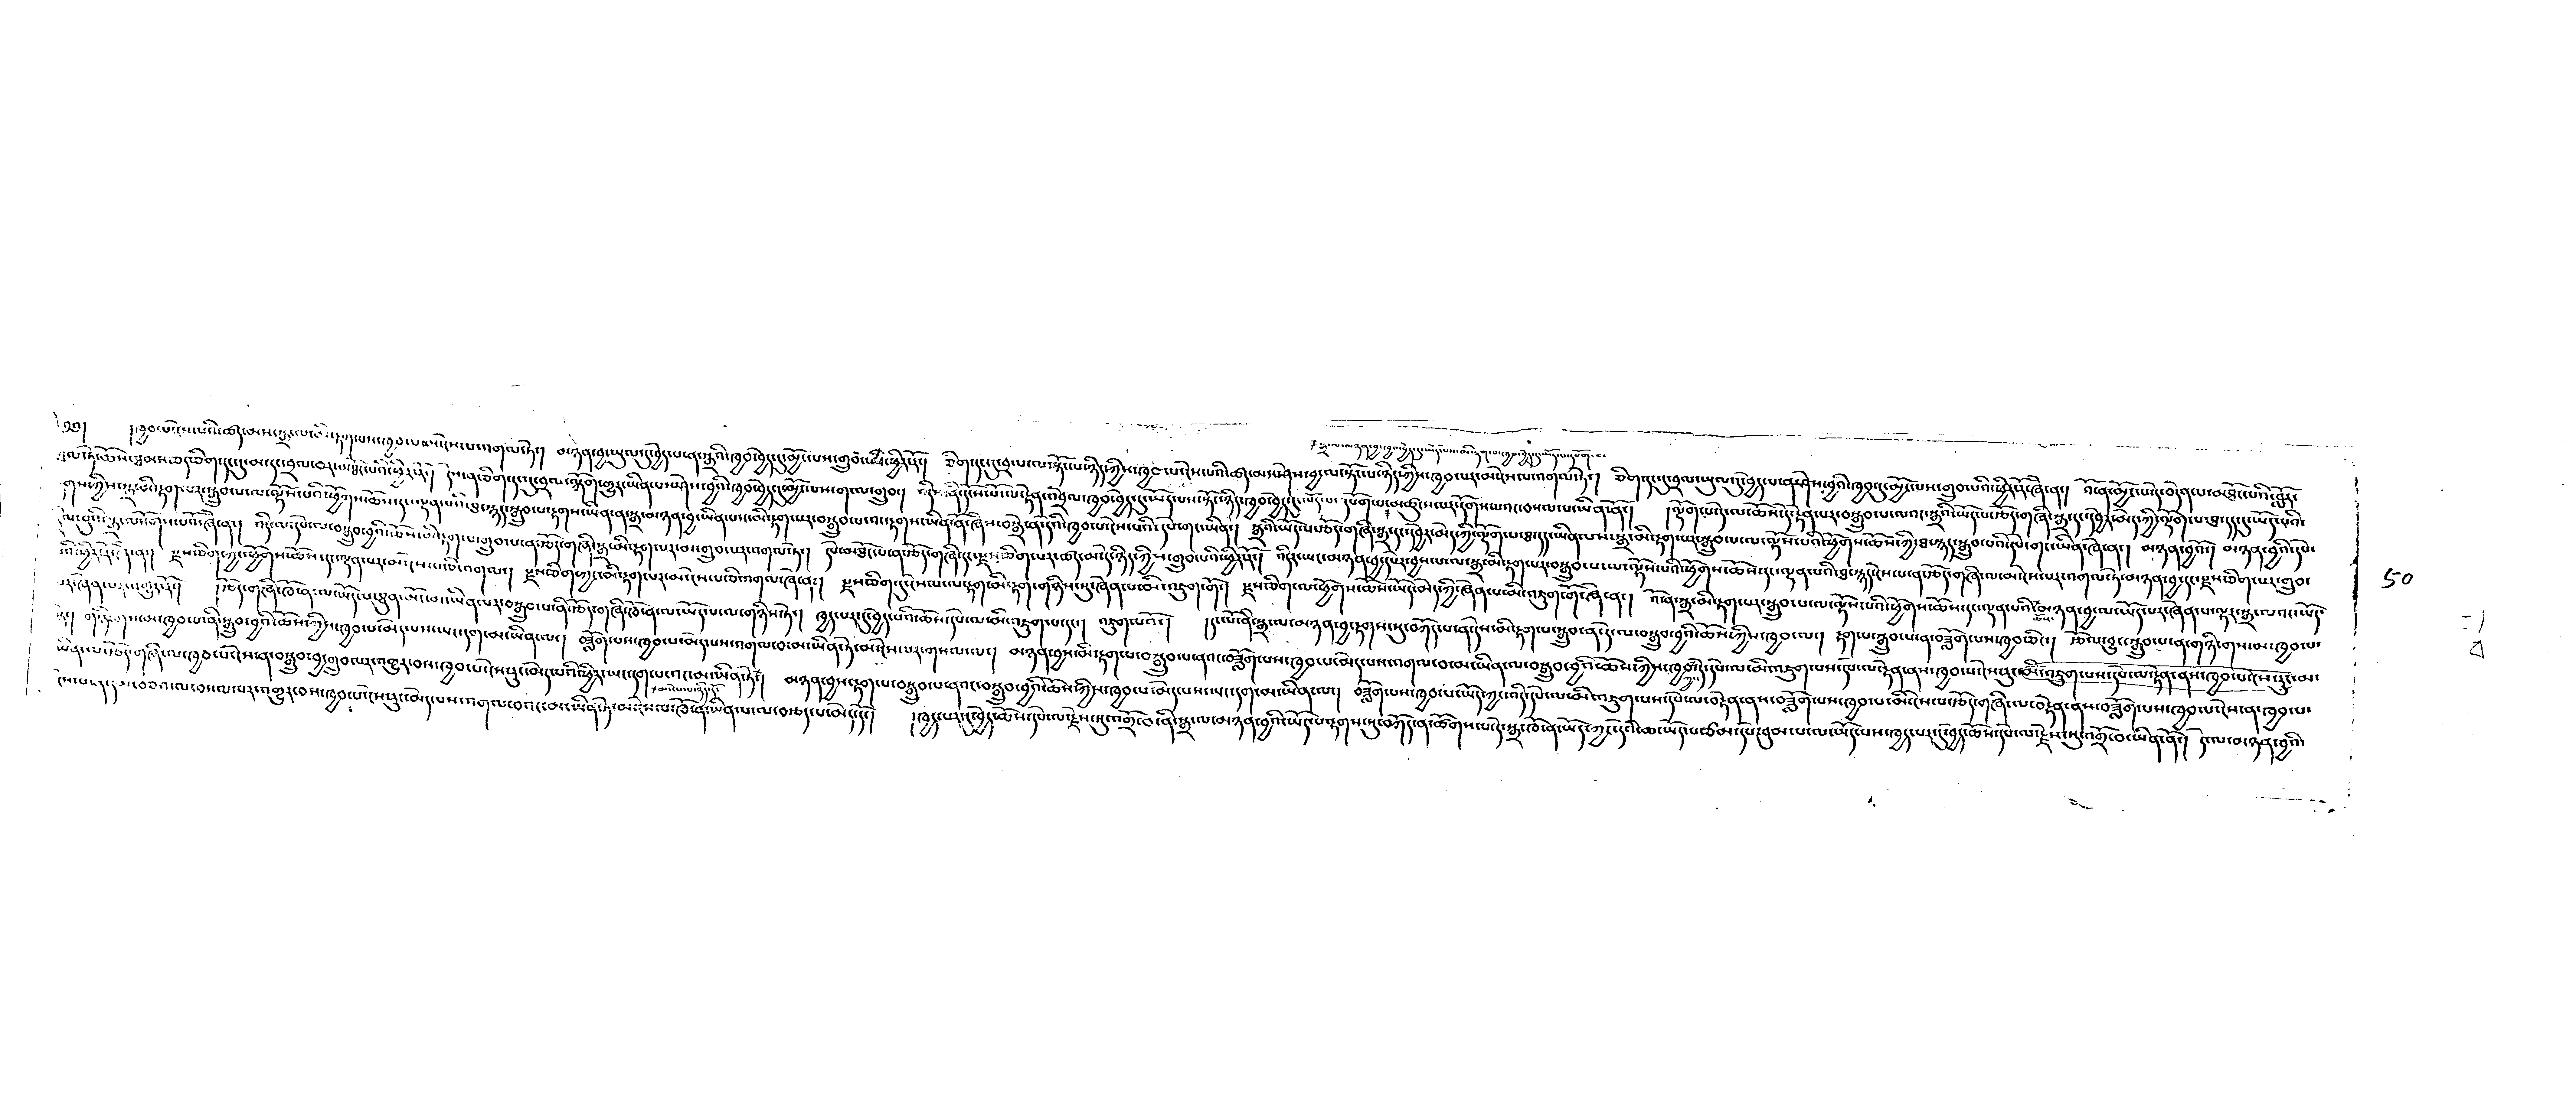༄༅། །ཁྱབ་པ་ངེས་པའི་ཚད་མས་སྒྲ་ལ་མི་རྟག་པས་ཁྱབ་པས?་ངེས་པ་འགལ་ཏེ། མཉན་བྱ་ཡུལ་དུ་བྱེད་པ་ན་སྒྲའི་ཁྱབ་བྱེད་དུ་མྱོང་པས་གྲུབ་པའི་ཕྱིར་རོ། ཅིག་དང་དུ་བྲལ་ལ་སྟོང་པ་ཉིད་ཀྱིས་ཁྱབ་པ་ངེས་པའི་ཚད་མ་ཤེས་བྱ་ལ་སྟོང་པ་ཉིད་ཀྱིས་ཁྱབ་པར་མ་ངེས་པ་འགལ་ཏེ། ཅིག་དང་དུ་བྲལ་ཡུལ་དུ་བྱེད་པ་ན་ཤེས་བྱའི་ཁྱབ་དུ་མྱོང་པས་གྲུབ་པའི་ཕྱིར་རོ་ཞེ་ན། འོ་ན་མྱོང་པ་དེ་བདེན་པ་མཐོང་པའི་བློར་
ཐལ་ཏེ་ཆོས་ཐམས་ཅད་ཅིག་དང་དུ་མ་དང་བྲལ་བར་མཐོང་པའི་ཕྱིར་རོ། དེས་ན་ཅིག་དང་དུ་བྲལ་ལྐོག་གྱུར་ཡིན་པ་ཤེས་བྱའི་ཁྱབ་བྱེད་དུ་མྱོང་པས་ག་ལ་གྲུབ། འདིས་ནི་དངོས་པོ་ལ་རྟེན་འབྲེལ་ཁྱབ་བྱེད་དུ་ཡོད་པས་སྟོང་ཉིད་ཁྱབ་བྱེད་དུ་ཡོད་པ་དཔོག་པ་མཚུངས་པར་དོགས་པའང་བསལ་པ་ཡིན་ནོ། །ལྡོག་པ་དེ་ལ་ཆོས་དེ་རྟེན་པར་བསྒྲུབ་པ་ལའང་སྒྲའི་ཡོད་པ་རྩོད་གཞི་སྒྲ་དང་དབྱེར་མེད་ཀྱི་ལྡོག་པ་ཐ་དད་དུ་ཡོད་པའི་
རྟགས?་ཀྱིས་སྒྲ་མི་རྟག་པར་སྒྲུབ་པ་ལ་ལྟོས་པའི་ཕྱོགས་ཆོས་དང་ལྡན་པའི་ཐ་སྙད་སྒྲུབ་པ་རྟགས་ཡིན་ན་སྒྲ་མཉན་བྱ་ཡིན་པས་མི་རྟག་པར་བསྒྲུབ་པ་འང་རྟགས་ཡིན་ནོ་ཞེས་བསྒྲེ་ན་དེའི་ཁྱབ་པ་ངེས་པའི་དཔེ་གང་ཡིན། སྒྲའི་ཡོད་པ་རྩོད་གཞི་སྒྲ་དང་དབྱེར་མེད་ཀྱི་ལྡོག་པ་ཐ་དད་ཡིན་པས་སྒྲ་མི་རྟག་པར་སྒྲུབ་པ་ལ་ལྟོས་པའི་ཕྱོགས་ཆོས་ཀྱི་ཐ་སྙད་སྒྲུབ་པའི་དཔེ་གང་ཡིན་ཞེ་ན། མཉན་བྱའོ། མཉན་བྱའི་དཔེ་
དྲིལ?་བུའི་སྒྲ་ལ་སོགས་པའོ་ཞེ་ན། འདི་ལ་དཔེ་ལ་བསྒྲུབ་བྱའི་ཆོས་མི་རྟག་པ་གྲུབ་པ་ན་རྩོད་གཞི་སྒྲ་མི་རྟག་པར་མ་གྲུབ་པར་འགལ་ཏེ། དཔེ་མཐོང་པ་ན་རྩོད་གཞི་དང་རྫས་ཅིག་པར་ཚད་མ་དེ་ཉིད་ཀྱིས་གྲུབ་པའི་ཕྱིར་རོ། འདིར་ཡང་མཉན་བྱ་དཔེར་བྱས་པ་ལ་སྒྲ་མི་རྟག་པར་བསྒྲུབ་པ་ལ་ལྟོས་པའི་ཕྱོགས་ཆོས་དང་ལྡན་པའི་ཐ་སྙད་ངེས་པ་ན་རྩོད་གཞི་ལ་མ་ངེས་པར་འགལ་ཏེ་མཉན་བྱ་དང་རྫས་ཅིག་པར་གྲུབ་
པའི་ཕྱིར་རོ་ཞེ་ན། རྫས་ཅིག་ཀྱང་ཕྱོགས་ཆོས་དང་ལྡན་པར་མ་ངེས་པ་ཅི་འགལ། རྫས་ཅིག་ཀྱང་མི་རྟག་པར་མ་ངེས་པ་ཅི་འགལ་ཞེ་ན། རྫས་ཅིག་དུ་ངེས་པ་ལ་རྟག་མི་རྟག་གཉིས་སུ་ཞེན་པ་མི་འཇུག་གོ །རྫས་ཅིག་ལ་ཕྱོགས་ཆོས་ཡོད་མེད་ཀྱི་ཞེན་པ་མི་འཇུག་གོ་ཞེ་ན། འོ་ན་སྒྲ་མི་རྟག་པར་སྒྲུབ་པ་ལ་ལྟོས་པའི་ཕྱོགས་ཆོས་དང་ལྡན་པའི་ཆོས་མཉན་བྱ་ལ་ཡོད་པར་ཞེན་པ་ལྟར་སྒྲ་ལའང་ཡོད་
པར་ཞེན་པར་འགྱུར་རོ། །རྩོད་གཞི་ཁོ་ན་ལ་ཡོད་པ་ཐུན་མོང་མ་ཡིན་པར་བསྒྲུབ་པ་ནི་རྩོད་གཞི་ཁོ་ན་ལ་ཡོད་པ་ལ་གཉིས་ཏེ། ཁྱད་པར་དུ་བྱེད་པའི་ཆོས་དཔེ་ལ་མི་འཇུག་པ་དང་། འཇུག་པའོ། །དང་པོ་ནི་སྒྲ་ལ་མཉན་བྱ་རྟགས་སུ་བཀོད་པ་ན་དེས་མི་རྟག་པ་སྒྲུབ་ན་དེ་ལ་བསྒྲུབ་བྱའི་ཆོས་ཀྱིས་ཁྱབ་ལ། རྟག་པ་སྒྲུབ་པ་ན་བཟློག་པས་ཁྱབ་ཅིང་། རྩོལ་བྱུང་སྒྲུབ་པ་ན་གཉི་གས་མ་ཁྱབ་པ་
སྟེ?། གཉི་གས་མ་ཁྱབ་པ་ནི་སྒྲུབ་བྱའི་ཆོས་ཀྱིས་ཁྱབ་པ་མེད་པས་ཡང་དག་མ་ཡིན་ལ། བཟློག་པས་ཁྱབ་པ་མེད་པས་འགལ་བ་མ་ཡིན་ཏེ་མ་ངེས་པར་གསལ་ལ། མཉན་བྱས་མི་རྟག་པ་བསྒྲུབ་པ་ནའང་བཟློག་པས་ཁྱབ་པ་མེད་པས་འགལ་བ་མ་ཡིན་ལ་བསྒྲུབ་བྱའི་ཆོས་ཀྱིས་ཁྱབ་དེ་དཔེ་ལ་མི་འཇུག་པས་དཔེ་ལ་རྟེན་ནས་ཁྱབ་པ་ངེས་རུང་མི་འཇུག་པས་དཔེ་ལ་རྟེན་ནས་ཁྱབ་པ་ངེས་རུང་མ་
ཡིན་ལ་རྩོད་གཞི་ལ་ཁྱབ་པ་ངེས་ན་བསྒྲུབ་བྱ་གྲུབ་པར་འགྱུར་བས་ཁྱབ་པ་ངེས་རུང་མེད་པའི་ཕྱིར་ཡང་དག་པ་འང་མ་ཡིན་ཏེ། མ་ངེས་པ་ཉིད་དོ་མཉན་བྱས་རྟག་པ་བསྒྲུབ་པ་ནའང་བསྒྲུབ་བྱའི་ཆོས་ཀྱིས་ཁྱབ་པ་མེད་པས་ཡང་དག་མ་ཡིན་ལ། བཟློག་པས་ཁྱབ་པ་ཡོད་ཀྱང་འདི་དཔེ་ལ་མི་འཇུག་པས་དཔེ་ལ་བརྟེན་ནས་བཟློག་པས་ཁྱབ་པ་མི་ངེས་པ་རྩོད་གཞི་ལ་བརྟེན་ནས་བཟློག་པས་ཁྱབ་པ་ངེས་ན་ཁྱབ་པ་
ངེས་པ་ན་དམ་བཅའ་ལ་བསལ་པར་འགྱུར་བས་ཁྱབ་པ་ངེས་རུང་མེད་པས་འགལ་བའང་མ་ཡིན་ཏེ་མ་ངེས་པ་ཁོ་ན་ཡིན་པ་ལ་བརྩད་པ་མེད་དོ། །ཁྱད་པར་དུ་བྱེད་ཆོས་དཔེ་ལ་རྗེས་སུ་འགྲོ་བ་ནི་སྒྲ་ལ་མཉན་བྱའི་ཡོད་པ་རྟགས་སུ་བཀོད་ན་ཚོགས་པ་དེ་སྒྲ་ཁོ་ན་ཡོད་ཀྱང་དཔེའི་ཆ་ཡོད་པ་ཙམ་དཔེ་བུམ་པ་ལ་ཡོད་པས་ཁྱད་པར་དུ་བྱེད་ཆོས་དཔེ་ལ་རྗེས་སུ་འགྲོ་བ་ཡིན་ནོ། དེ་ལ་མཉན་བྱའི་